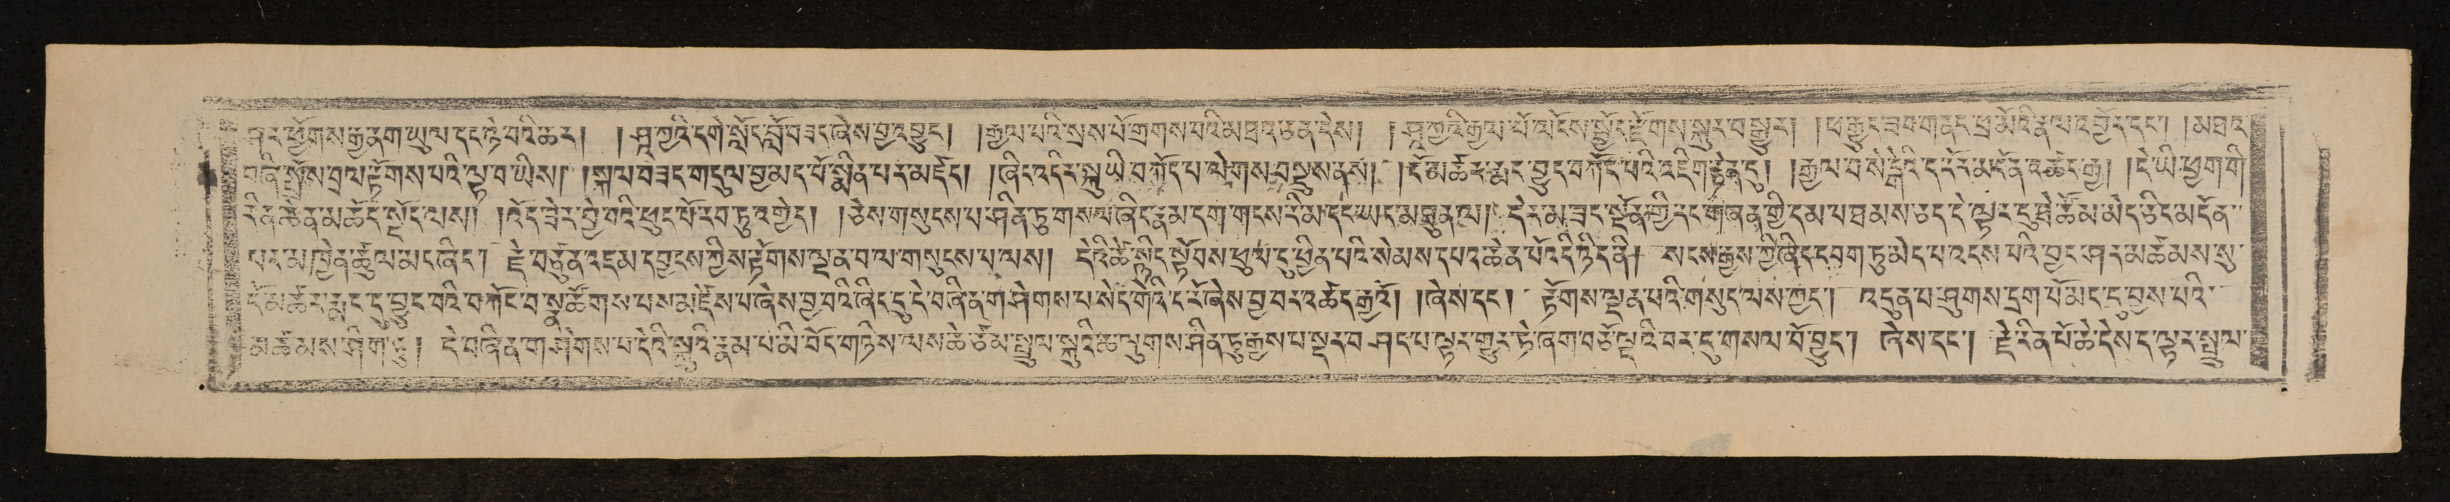ཤར་ཕྱོགས་རྒྱ་ནག་ཡུལ་དང་ཉེ་བའི་ཆར། །ཤཱཀྱའི་དགེ་སློང་བློ་བཟང་ཞེས་བྱ་འབྱུང་། །རྒྱལ་བའི་སྲས་པོ་གྲགས་པའི་མཐའ་ཅན་དེས། །ཤཱཀྱའི་རྒྱལ་པོ་ལོངས་སྤྱོད་རྫོགས་སྐུར་བསྒྱུར། །ཕ་རྒྱུད་ཟབ་གནད་ཕྲ་མོའི་རྣལ་འབྱོར་དང་། །མཐར་
བཞི་སྤྲོས་བྲལ་རྟོགས་པའི་ལྟ་བ་ཡིས། །སྐལ་བཟང་གདུལ་བྱ་མང་པོ་སྨིན་པར་མཛད། །ཞིང་འདིར་སྐུ་ཡི་བཀོད་པ་ལེགས་བསྡུས་ནས། །ངོ་མཚར་རྨད་བྱུང་བཀོད་པའི་འཇིག་རྟེན་དུ། །རྒྱལ་བ་སེངྒེའི་ང་རོར་མངོན་འཚང་རྒྱ། །དེ་ཡི་ཕྱག་གི་
རིན་ཆེན་མཆོད་སྡོང་ལས། །འོད་ཟེར་བྱེ་བའི་ཕུང་པོ་རབ་ཏུ་འགྱེད། །ཅེས་གསུངས་པ་ཤིན་ཏུ་གསལ་ཞིང་རྣམ་དག་གངས་རིམ་དང་ཡང་མཐུན་ལ། དེར་མ་ཟད་སྔོན་གྱི་རང་གཞན་གྱི་དམ་པ་ཐམས་ཅད་དེ་ལྟར་དུ་ཐེ་ཚོམ་མེད་ཅིང་མངོན་
པར་མཁྱེན་ཚུལ་མང་ཞིང་། རྗེ་བཙུན་འཇམ་དབྱངས་ཀྱིས་རྟོགས་ལྡན་པ་ལ་གསུངས་པ་ལས། དེའི་ཚེ་སྙིང་སྟེབས་ཕུལ་དུ་ཕྱིན་པའི་སེམས་དཔའ་ཆེན་པོ་འདི་ཉིད་ནི། སངས་རྒྱས་ཀྱི་ཞིང་དཔག་ཏུ་མེད་པ་འདས་པའི་བྱང་ཤར་མཚམས་སུ་
ངོ་མཚར་རྨད་དུ་བྱུང་བའི་བཀོད་པ་སྣ་ཚོགས་པས་མཛེས་པ་ཞེས་བྱ་བའི་ཞིང་དུ་དེ་བཞིན་གཤེགས་པ་སེང་གེའི་ང་རོ་ཞེས་བྱ་བར་འཚང་རྒྱའོ། །ཞེས་དང་། རྟོགས་ལྡན་པའི་གསུང་ལས་ཀྱང་། འདུན་པ་ཤུགས་དྲག་པོ་མང་དུ་བྱས་པའི་
མཚམས་ཤིག་ཏུ། དེ་བཞིན་གཤེགས་པ་དེའི་སྐུའི་རྣམ་པ་མི་བོང་གཉིས་ལས་ཆེ་ཙམ་སྤྲུལ་སྐུའི་ཆ་ལུགས་ཤིན་ཏུ་རྒྱས་པ་སྔར་བཤད་པ་ལྟར་གྱུར་ཏེ་ཞག་བཅོ་ལྔའི་བར་དུ་གསལ་པོ་བྱུང་། ཞེས་དང་། རྗེ་རིན་པོ་ཆེ་དེས་ད་ལྟར་སྤྲུལ་